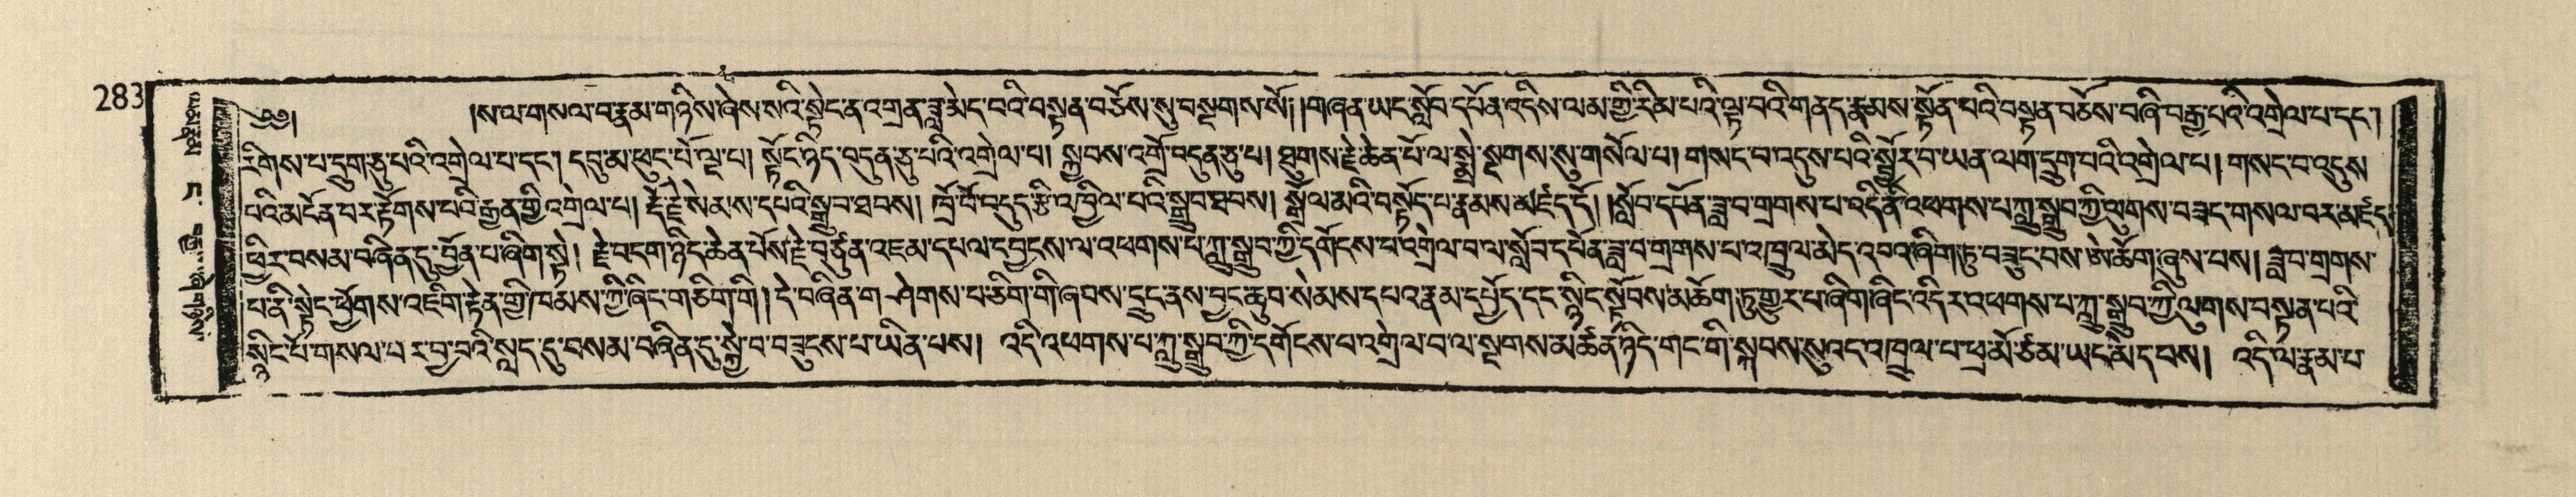༄༅། །ས་ལ་གསལ་བ་རྣམ་གཉིས་ཞེས་སའི་སྟེང་ན་འགྲན་ཟླ་མེད་བའི་བསྟན་བཅོས་སུ་བསྔགས་སོ། །གཞན་ཡང་སློབ་དཔོན་འདིས་ལམ་གྱི་རིམ་པའི་ལྟ་བའི་གནད་རྣམས་སྟོན་པའི་བསྟན་བཅོས་བཞི་བརྒྱ་པའི་འགྲེལ་པ་དང་།
རིགས་པ་དྲུག་ཅུ་པའི་འགྲེལ་པ་དང་། དབུ་མ་ཕུང་པོ་ལྔ་པ། སྟོང་ཉིད་བདུན་ཅུ་པའི་འགྲེལ་པ། སྐྱབས་འགྲོ་བདུན་ཅུ་པ། ཐུགས་རྗེ་ཆེན་པོ་ལ་སྨྲེ་སྔགས་སུ་གསོལ་པ། གསང་བ་འདུས་པའི་སྦྱོར་བ་ཡན་ལག་དྲུག་པའི་འགྲེལ་པ། གསང་བ་འདུས་
པའི་མངོན་བར་རྟོགས་པའི་རྒྱན་གྱི་འགྲེལ་པ། རྡོ་རྗེ་སེམས་དཔའི་སྒྲུབ་ཐབས། ཁྲོ་བོ་བདུད་རྩི་འཁྱིལ་བའི་སྒྲུབ་ཐབས། སྒྲོལ་མའི་བསྟོད་པ་རྣམས་མཛད་དོ། །སློབ་དཔོན་ཟླ་བ་གྲགས་པ་འདི་ནི་འཕགས་པ་ཀླུ་སྒྲུབ་ཀྱི་ལུགས་བཟང་གསལ་བར་མཛད་
ཕྱིར་བསམ་བཞིན་དུ་བྱོན་པ་ཞིག་སྟེ། རྗེ་བདག་ཉིད་ཆེན་པོས་རྗེ་བཙུན་འཇམ་དཔལ་དབྱངས་ལ་འཕགས་པ་ཀླུ་སྒྲུབ་ཀྱི་དགོངས་པ་འགྲེལ་བ་ལ་སློབ་དཔོན་ཟླ་བ་གྲགས་པ་འཁྲུལ་མེད་འབའ་ཞིག་ཏུ་བཟུང་བས་ཨེ་ཆོག་ཞུས་པས། ཟླ་བ་གྲགས་
པ་ནི་སྟེང་ཕྱོགས་འཇིག་རྟེན་གྱི་ཁམས་ཀྱི་ཞིང་གཅིག་གི །དེ་བཞིན་གཤེགས་པ་ཅིག་གི་ཞབས་དྲུང་ནས་བྱང་ཆུབ་སེམས་དཔའ་རྣམ་དཔྱོད་དང་སྙིང་སྟོབས་མཆོག་ཏུ་གྱུར་པ་ཞིག་ཞིང་འདིར་འཕགས་པ་ཀླུ་སྒྲུབ་ཀྱི་ལུགས་བསྟན་པའི་
སྙིང་པོ་གསལ་པར་བྱ་བའི་སླད་དུ་བསམ་བཞིན་དུ་སྐྱེ་བ་བཟུངས་པ་ཡིན་པས། འདི་འཕགས་པ་ཀླུ་སྒྲུབ་ཀྱི་དགོངས་པ་འགྲེལ་བ་ལ་སྔགས་མཚན་ཉིད་གང་གི་སྐབས་སུའང་འཁྲུལ་པ་ཕྲ་མོ་ཙམ་ཡང་མེད་བས། འདི་ལ་རྣམ་པ་